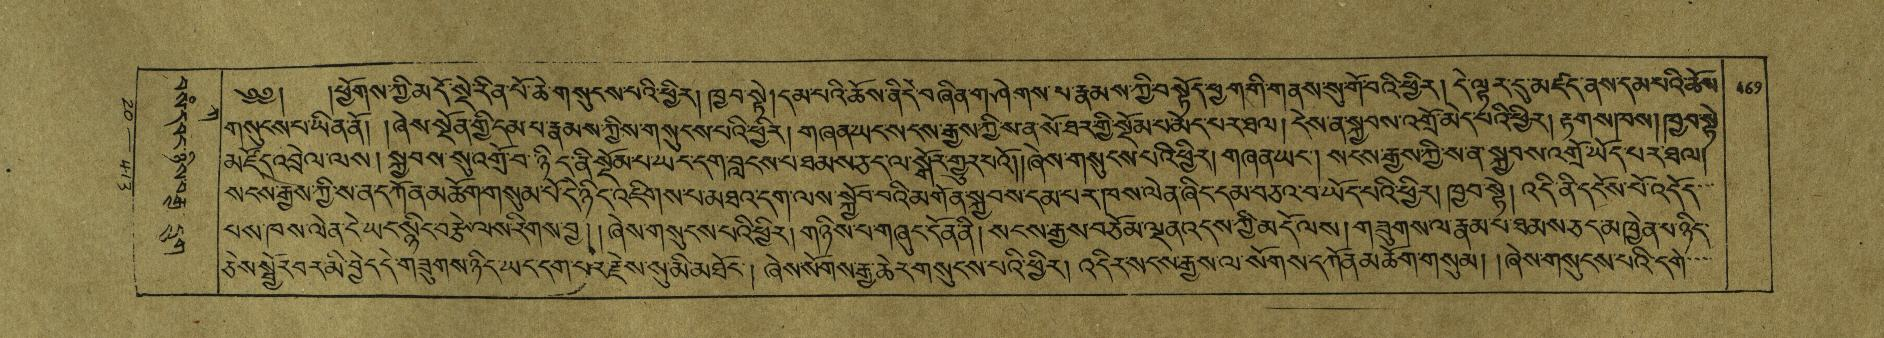༄༅། །ཕྱོགས་ཀྱི་མདོ་སྡེ་རིན་པོ་ཆེ་གསུངས་པའི་ཕྱིར། ཁྱབ་སྟེ། དམ་པའི་ཆོས་ནི་དེ་བཞིན་གཤེགས་པ་རྣམས་ཀྱི་བསྟོད་ཕྱག་གི་གནས་སུ་གོ་བའི་ཕྱིར། དེ་ལྟར་དུ་མཛད་ནས་དམ་པའི་ཆོས་
གསུངས་པ་ཡིན་ནོ། །ཞེས་སྔོན་གྱི་དམ་པ་རྣམས་ཀྱིས་གསུངས་པའི་ཕྱིར། གཞན་ཡང་སངས་རྒྱས་ཀྱི་ས་ན་སོ་ཐར་གྱི་སྡོམ་པ་མེད་པར་ཐལ། དེས་ན་སྐྱབས་འགྲོ་མེད་པའི་ཕྱིར། རྟགས་ཁས། ཁྱབ་སྟེ་
མཛོད་འབྲེལ་ལས། སྐྱབས་སུ་འགྲོ་བ་ཉིད་ནི་སྡོམ་པ་ཡང་དག་བླངས་པ་ཐམས་ཅད་ལ་སྒོར་གྱུར་པའོ། །ཞེས་གསུངས་པའི་ཕྱིར། གཞན་ཡང་། སངས་རྒྱས་ཀྱི་ས་ན་སྐྱབས་འགྲོ་ཡོད་པར་ཐལ།
སངས་རྒྱས་ཀྱི་ས་ན་དཀོན་མཆོག་གསུམ་པོ་དེ་ཉིད་འཇིགས་པ་མཐའ་དག་ལས་སྐྱོབ་པའི་མགོན་སྐྱབས་དམ་པར་ཁས་ལེན་ཞིང་དམ་བཅའ་བ་ཡོད་པའི་ཕྱིར། ཁྱབ་སྟེ། འདི་ནི་དངོས་པོ་འདོད་
པས་ཁས་ལེན་དེ་ཡང་སྙིང་བརྩེ་ལས་རིགས་བྱ། །ཞེས་གསུངས་པའི་ཕྱིར། གཉིས་པ་གཞུང་དོན་ནི། སངས་རྒྱས་བཅོམ་ལྡན་འདས་ཀྱི་མདོ་ལས། གཟུགས་ལ་རྣམ་པ་ཐམས་ཅད་མཁྱེན་པ་ཉིད་
ཅེས་སྦྱོར་བར་མི་བྱེད་དེ་གཟུགས་ཉིད་ཡང་དག་པར་རྗེས་སུ་མི་མཐོང་། ཞེས་སོགས་རྒྱ་ཆེར་གསུངས་པའི་ཕྱིར། འདིར་སངས་རྒྱས་ལ་སོགས་དཀོན་མཆོག་གསུམ། །ཞེས་གསུངས་པའི་དགེ་